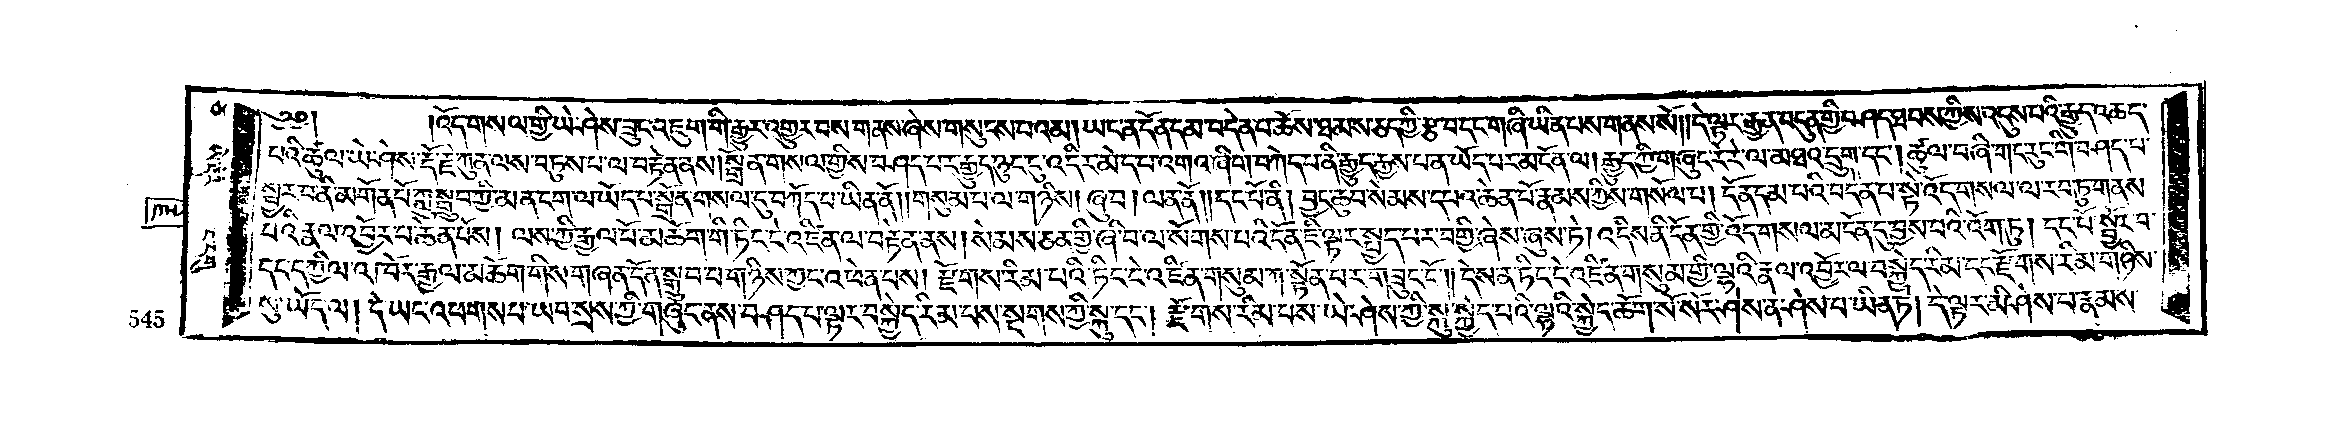༄༅། །འོད་གསལ་གྱི་ཡེ་ཤེས་ཟུང་འཇུག་གི་རྒྱུར་འགྱུར་བས་གནས་ཞེས་གསུངས་པའམ། ཡང་ན་དོན་དམ་བདེན་པ་ཆོས་ཐམས་ཅད་ཀྱི་རྩ་བ་དང་གཞི་ཡིན་པས་གནས་སོ། །དེ་ལྟར་རྒྱན་བདུན་གྱི་བཤད་ཐབས་ཀྱིས་འདུས་པའི་རྒྱུད་འཆད་
པའི་ཚུལ་ཡེ་ཤེས་རྡོ་རྗེ་ཀུན་ལས་བཏུས་པ་ལ་བརྟེན་ནས། སྒྲོན་གསལ་གྱིས་བཤད་པར་རྒྱུད་ཉུང་དུ?་འདིར་མེད་པ་འགའ་ཞིག་བཀོད་པ་ནི་རྒྱུད་རྒྱས་པ་ན་ཡོད་པར་མངོན་ལ། རྒྱུད་ཀྱི་གཞུང་རེ་རེ་ལ་མཐའ་དྲུག་དང་། ཚུལ་བཞི་གང་རུང་གི་བཤད་པ་
སྦྱར་བ་ནི་མགོན་པོ་ཀླུ་སྒྲུབ་ཀྱི་མན་ངག་ལ་ཡོད་པ་སྒྲོན་གསལ་དུ་བཀོད་པ་ཡིན་ནོ། །གསུམ་པ་ལ་གཉིས། ཞུ་བ། ལན་ནོ། །དང་པོ་ནི། བྱང་ཆུབ་སེམས་དཔའ་ཆེན་པོ་རྣམས་ཀྱིས་གསོལ་པ། དོན་དམ་པའི་བདེན་པ་སྟེ་འོད་གསལ་ལ་རབ་ཏུ་གནས་
པའི་རྣལ་འབྱོར་པ་ཆེན་པོས། ལས་ཀྱི་རྒྱལ་པོ་མཆོག་གི་ཏིང་ངེ་འཛིན་ལ་བརྟེན་ནས། སེམས་ཅན་གྱི་ཞི་བ་ལ་སོགས་པའི་དོན་ཇི་ལྟར་སྤྱད་པར་བགྱི་ཞེས་ཞུས་ཏེ། འདིས་ནི་དོན་གྱི་འོད་གསལ་མངོན་དུ་བྱས་པའི་འོག་ཏུ། དང་པོ་སྦྱོར་བ་
དང་དཀྱིལ་འཁོར་རྒྱལ་མཆོག་གིས་གཞན་དོན་སྒྲུབ་པ་གཉིས་ཀྱང་འཕེན་པས། རྫོགས་རིམ་པའི་ཏིང་ངེ་འཛིན་གསུམ་ཀ་སྟོན་པར་གཟུང་ངོ། །དེས་ན་ཏིང་ངེ་འཛིན་གསུམ་གྱི་ལྷའི་རྣལ་འབྱོར་ལ་བསྐྱེད་རིམ་དང་རྫོགས་རིམ་གཉིས་
སུ་ཡོད་ལ། དེ་ཡང་འཕགས་པ་ཡབ་སྲས་ཀྱི་གཞུང་ནས་བཤད་པ་ལྟར་བསྐྱེད་རིམ་པས་སྔགས་ཀྱི་སྐུ་དང་། རྫོགས་རིམ་པས་ཡེ་ཤེས་ཀྱི་སྐུ་སྐྱེད་པའི་ལྷའི་སྐྱེད་ཆོག་སོ་སོར་ཤེས་ན་ཤེས་པ་ཡིན་ཏེ། དེ་ལྟར་མི་ཤེས་པ་རྣམས་